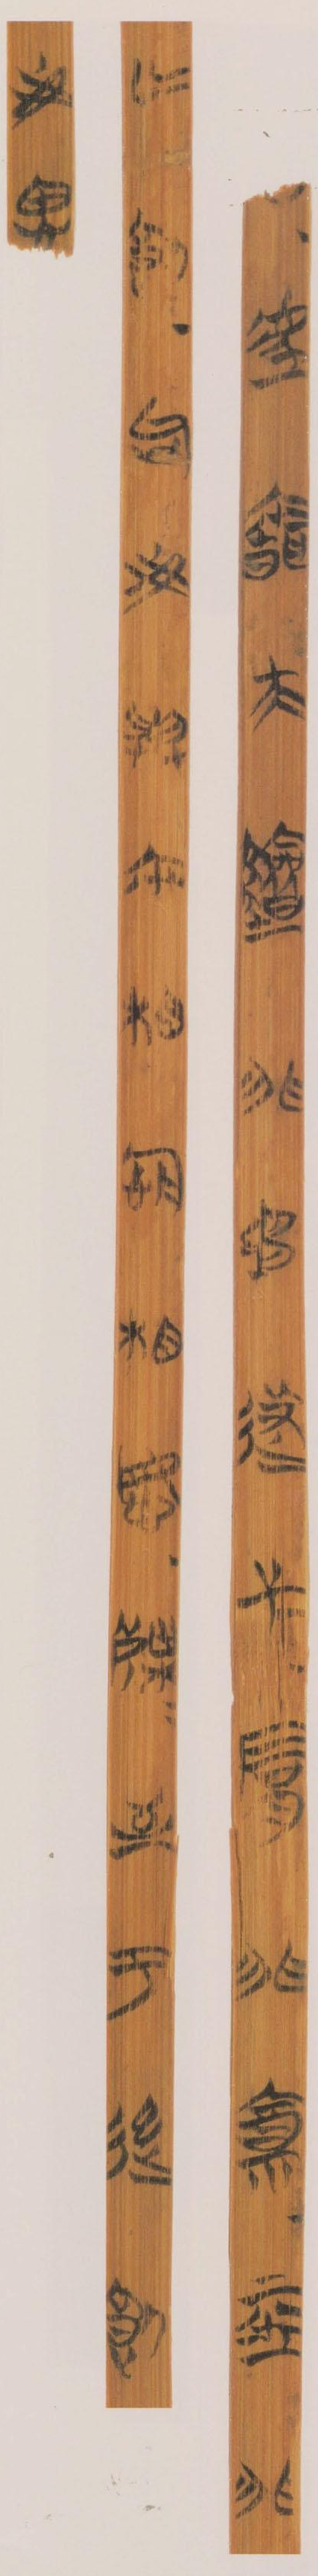□𫊟{尒䎽}夫險非矛﨤干{厂肙}非{富示}亞非亡飤句我與尔相念相悔殜=至于後飤我思
